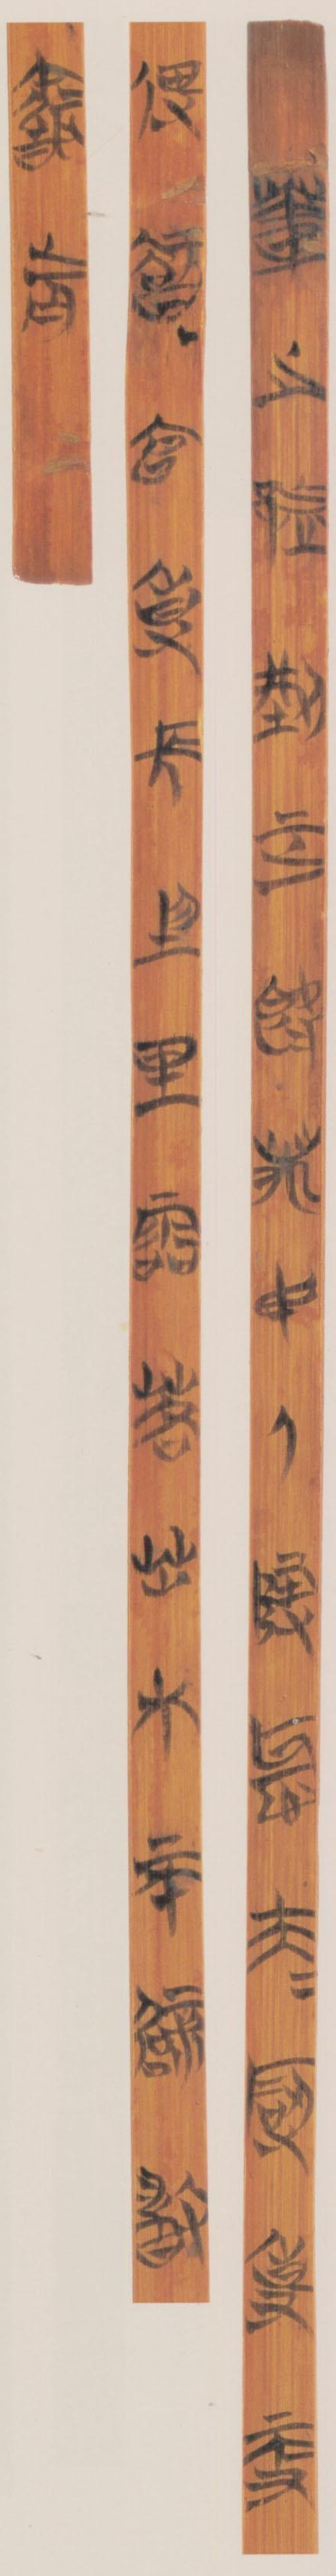{亠舛車}之都型正既萬民人{阜左又}怠夫=叚事{卞又}俾智官事長廷里霝茖卉木不辟敢{尒䎽}歬
